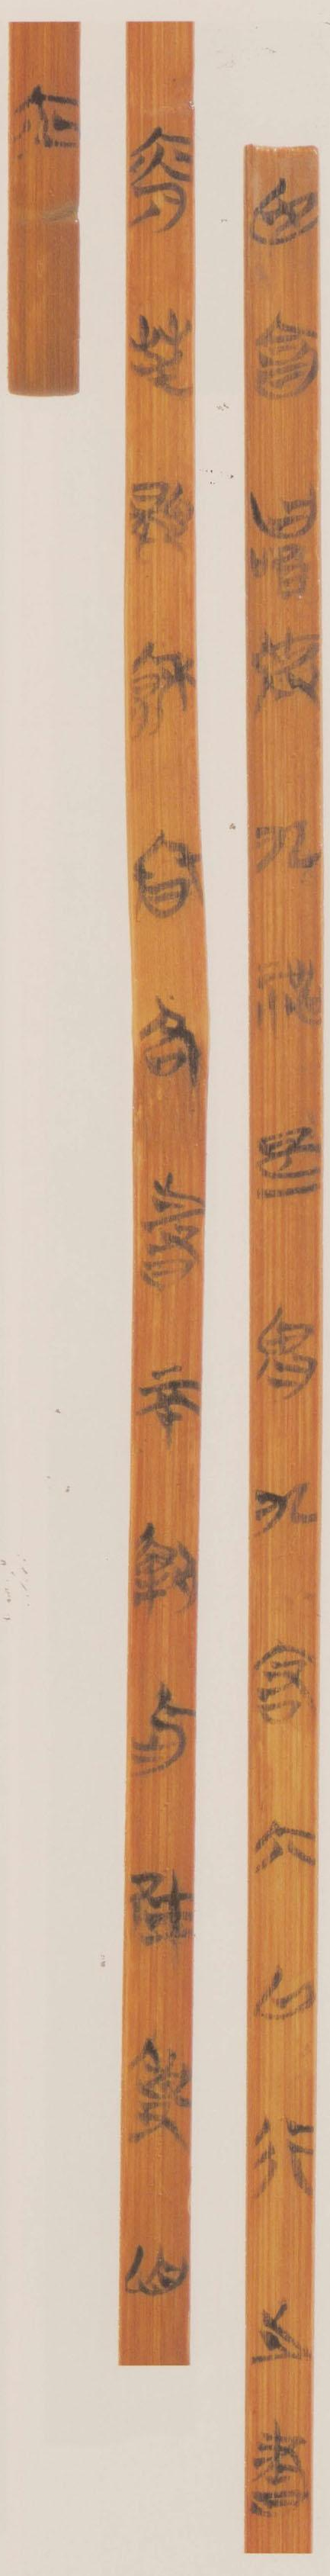臣合曰唯皮九神是胃九宏六㠯（以）行之晝夜芚{日虫頁}{炅禾}冬各時不解此隹事首亦
